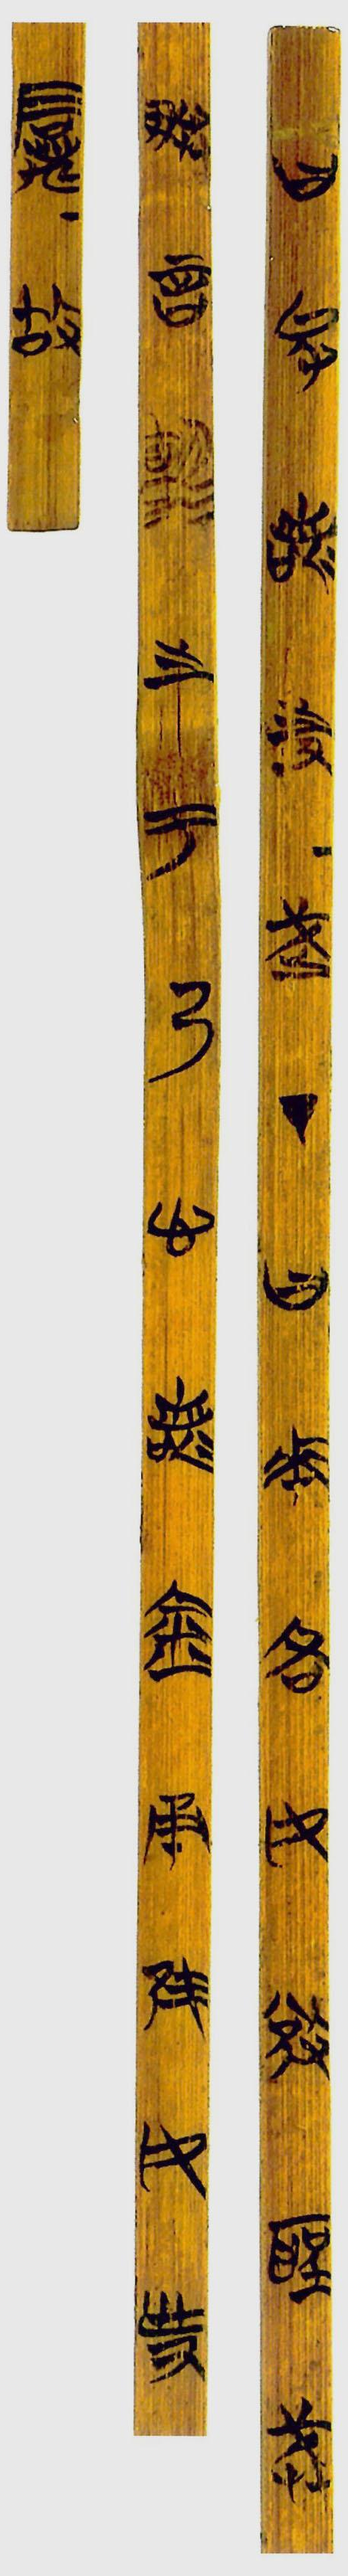曰允若寺武丁曰來各女敓（說）聖戒朕言{水車刀}之于乃心若金甬隹女拃（作）{石萬}故
